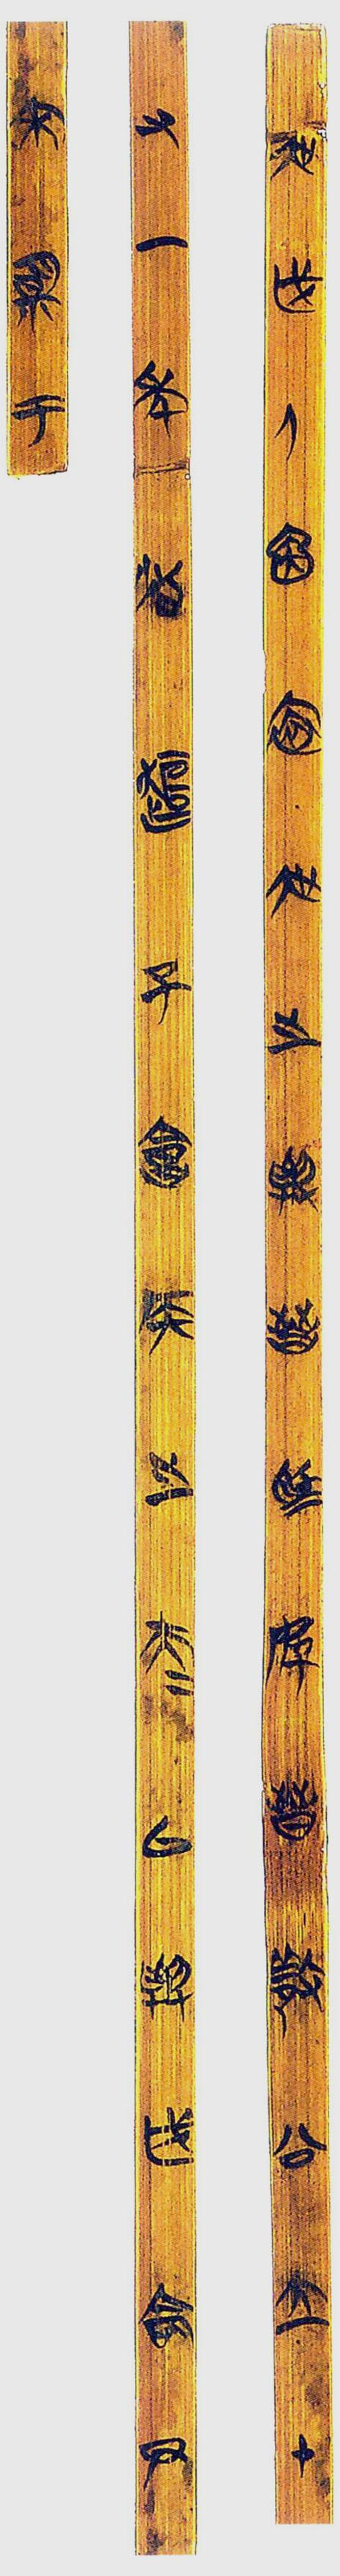吳戉人因{衣衣}吳之與晉爲好晉敬公立十又一年{少勺}𧻚子會侯之夫=㠯（以）與戉命尹宋{明示}于
